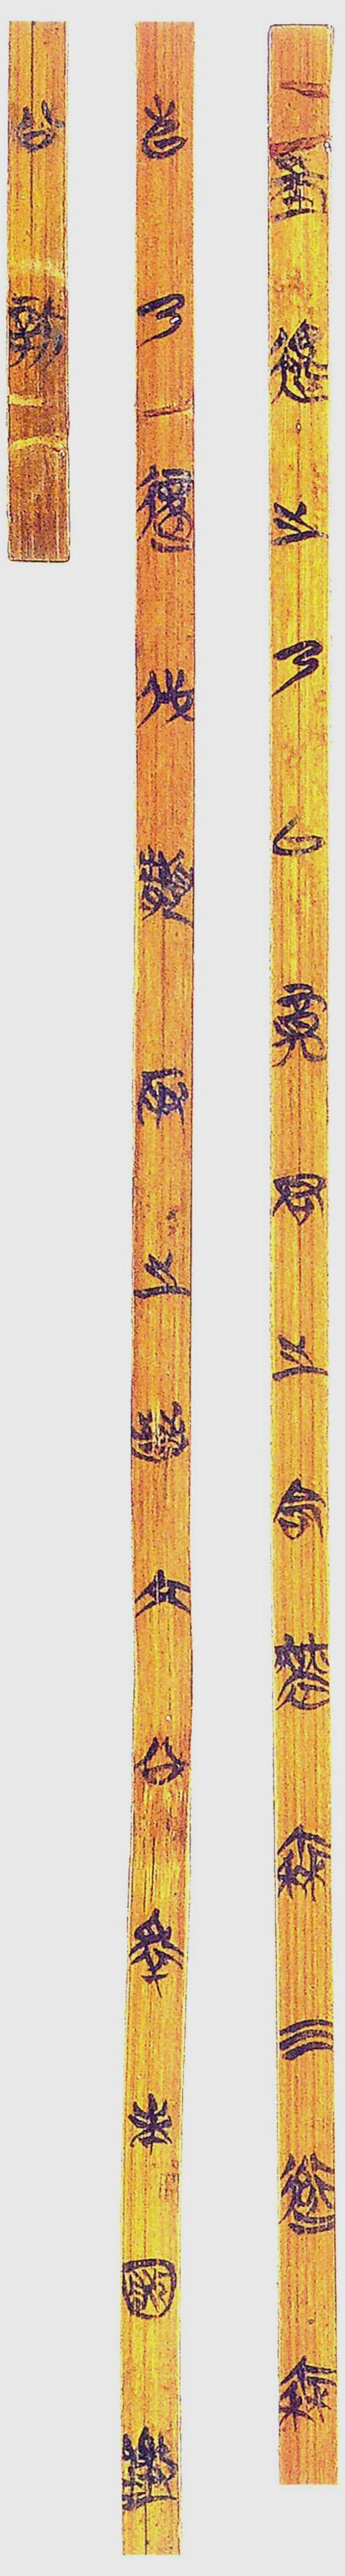市遇之乃㠯（以）奠君之命{炎衣}秦三{行幺止}秦{山𡴎}乃復伐顝取之晉文公卒B未{囗爿歺}襄公新
